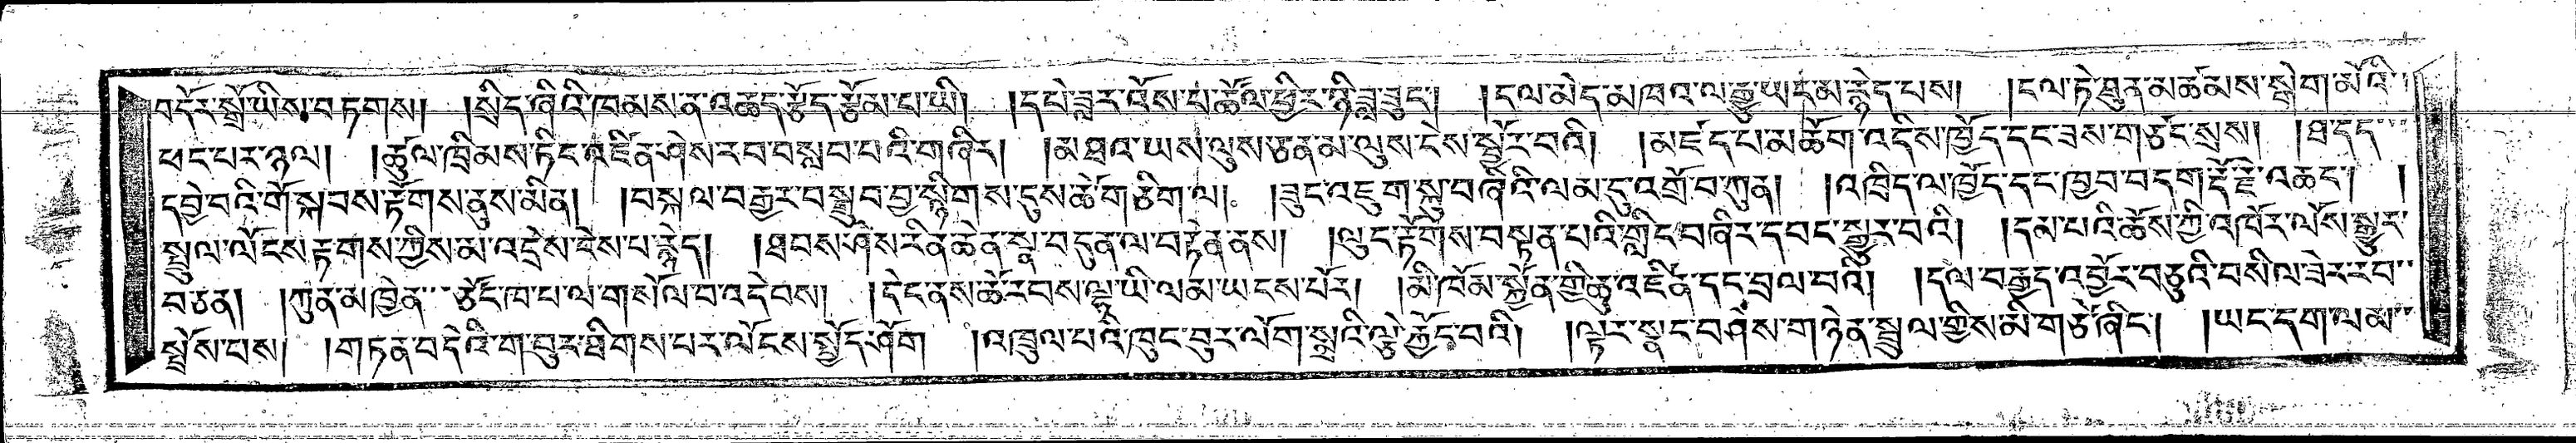བདོར་སྒྲོ་ཡིས་བཏགས། །སྲིད་ཞིའི་ཁམས་ན་འཆད་རྩོད་རྩོམ་པ་ཡི། །དཔེ་ཟླར་འོས་པ་ཚོལ་ཕྱིར་ཉི་ཟླ་ཟུང་། །ངལ་མེད་མཁའ་ལ་རྒྱུ་ཡང་མ་རྙེད་པས། །ངལ་ཏེ་ཐུན་མཚམས་སྒེག་མོའི་
ཕང་པར་ཉལ། །ཚུལ་ཁྲིམས་ཏིང་འཛིན་ཤེས་རབ་བསླབ་པའི་གཞིར། །མཐའ་ཡས་ལུས་ཅན་མ་ལུས་ངེས་སྦྱོར་བའི། །མཛད་པ་མཆོག་འདིས་ཁྱོད་དང་ཟས་གཙང་སྲས། །ཐ་དད་
དབྱེ་བའི་གོ་སྐབས་རྟོགས་ནུས་མིན། །བསྐལ་བརྒྱར་བསྒྲུབ་བྱ་སྙིགས་དུས་ཚེ་གཅིག་ལ། །ཟུང་འཇུག་སྐུ་བཞིའི་ལམ་དུ་འགྲོ་བ་ཀུན། །འཁྲིད་ལ་ཁྱོད་དང་ཁྱབ་བདག་རྡོ་རྗེ་འཆང་། །
སྤྲུལ་ལོངས་རྟགས་ཀྱིས་མ་འདྲེས་ངེས་པ་རྙེད། །ཐབས་ཤེས་རིན་ཆེན་སྣ་བདུན་ལ་བརྟེན་ནས། །ལུང་རྟོགས་བསྟན་པའི་གླིང་བཞིར་དབང་སྒྱུར་བའི། །དམ་པའི་ཆོས་ཀྱི་འཁོར་ལོས་སྒྱུར་
བ་ཅན། །ཀུན་མཁྱེན་ཙོང་ཁ་པ་ལ་གསོལ་བ་འདེབས། །དེང་ནས་ཚེ་རབས་ལྷ་ཡི་ལམ་ཡངས་པོར། །མི་ཁོམ་སྐྱོན་གྱི་ཆུ་འཛིན་དང་བྲལ་བའི། །དལ་བརྒྱད་འབྱོར་བཅུའི་བསིལ་ཟེར་རབ་
སྤྲོས་པས། །གཏན་བདེའི་ག་བུར་ཐིགས་པར་ལོངས་སྤྱོད་ཤོག །འཁྲུལ་པའི་ཁུང་བུར་ལོག་སྨྲའི་ལྕེ་རྐྱོང་བའི། །ལྟར་སྣང་བཤེས་གཉེན་སྦྲུལ་གྱིས་མི་གཙེ་ཞིང་། །ཡང་དག་ལམ་